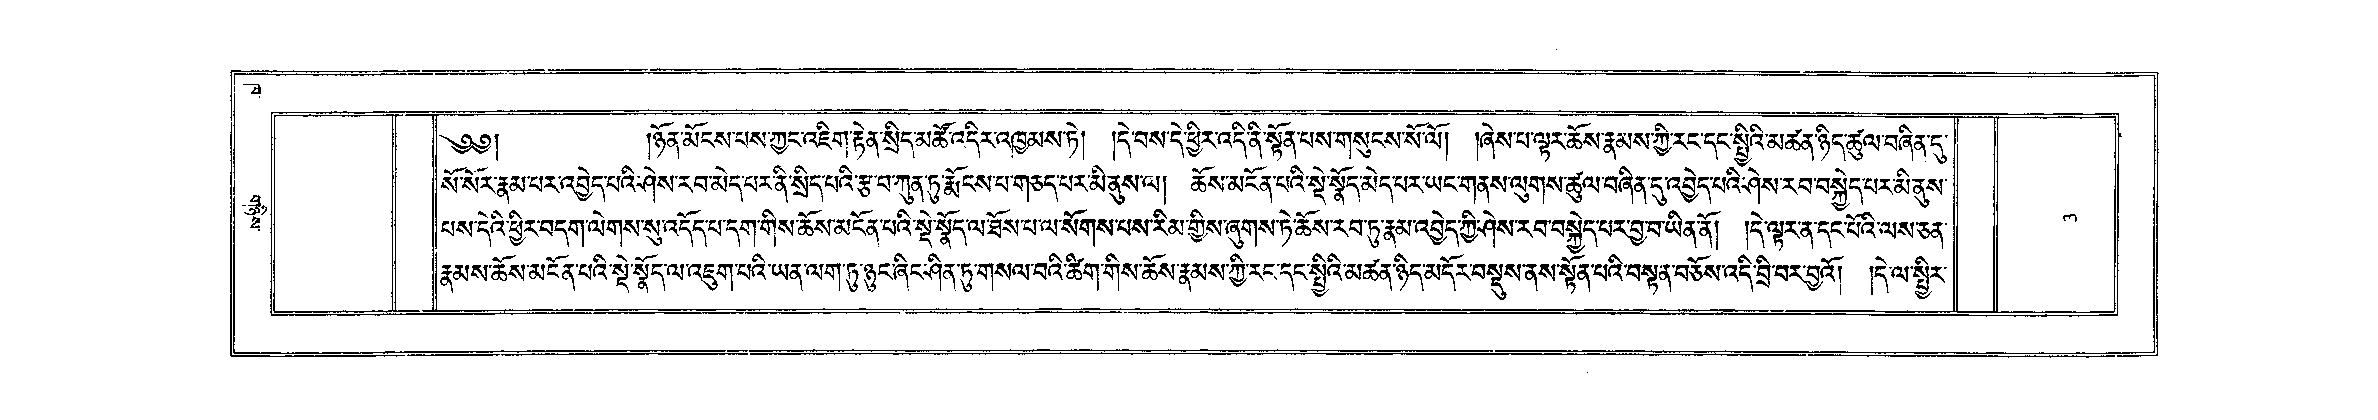༄༅། །ཉོན་མོངས་པས་ཀྱང་འཇིག་རྟེན་སྲིད་མཚོ་འདིར་འཁྱམས་ཏེ། །དེ་བས་དེ་ཕྱིར་འདི་ནི་སྟོན་པས་གསུངས་སོ་ལོ། །ཞེས་པ་ལྟར་ཆོས་རྣམས་ཀྱི་རང་དང་སྤྱིའི་མཚན་ཉིད་ཚུལ་བཞིན་དུ་
སོ་སོར་རྣམ་པར་འབྱེད་པའི་ཤེས་རབ་མེད་པར་ནི་སྲིད་པའི་རྩ་བ་ཀུན་ཏུ་རྨོངས་པ་གཅད་པར་མི་ནུས་ལ། ཆོས་མངོན་པའི་སྡེ་སྣོད་མེད་པར་ཡང་གནས་ལུགས་ཚུལ་བཞིན་དུ་འབྱེད་པའི་ཤེས་རབ་བསྐྱེད་པར་མི་ནུས་
པས་དེའི་ཕྱིར་བདག་ལེགས་སུ་འདོད་པ་དག་གིས་ཆོས་མངོན་པའི་སྡེ་སྣོད་ལ་ཐོས་པ་ལ་སོགས་པས་རིམ་གྱིས་ཞུགས་ཏེ་ཆོས་རབ་ཏུ་རྣམ་འབྱེད་ཀྱི་ཤེས་རབ་བསྐྱེད་པར་བྱ་བ་ཡིན་ནོ། །དེ་ལྟར་ན་དང་པོའི་ལས་ཅན་
རྣམས་ཆོས་མངོན་པའི་སྡེ་སྣོད་ལ་འཇུག་པའི་ཡན་ལག་ཏུ་ཉུང་ཞིང་ཤིན་ཏུ་གསལ་བའི་ཚིག་གིས་ཆོས་རྣམས་ཀྱི་རང་དང་སྤྱིའི་མཚན་ཉིད་མདོར་བསྡུས་ནས་སྟོན་པའི་བསྟན་བཅོས་འདི་བྲི་བར་བྱའོ། །དེ་ལ་སྤྱིར་